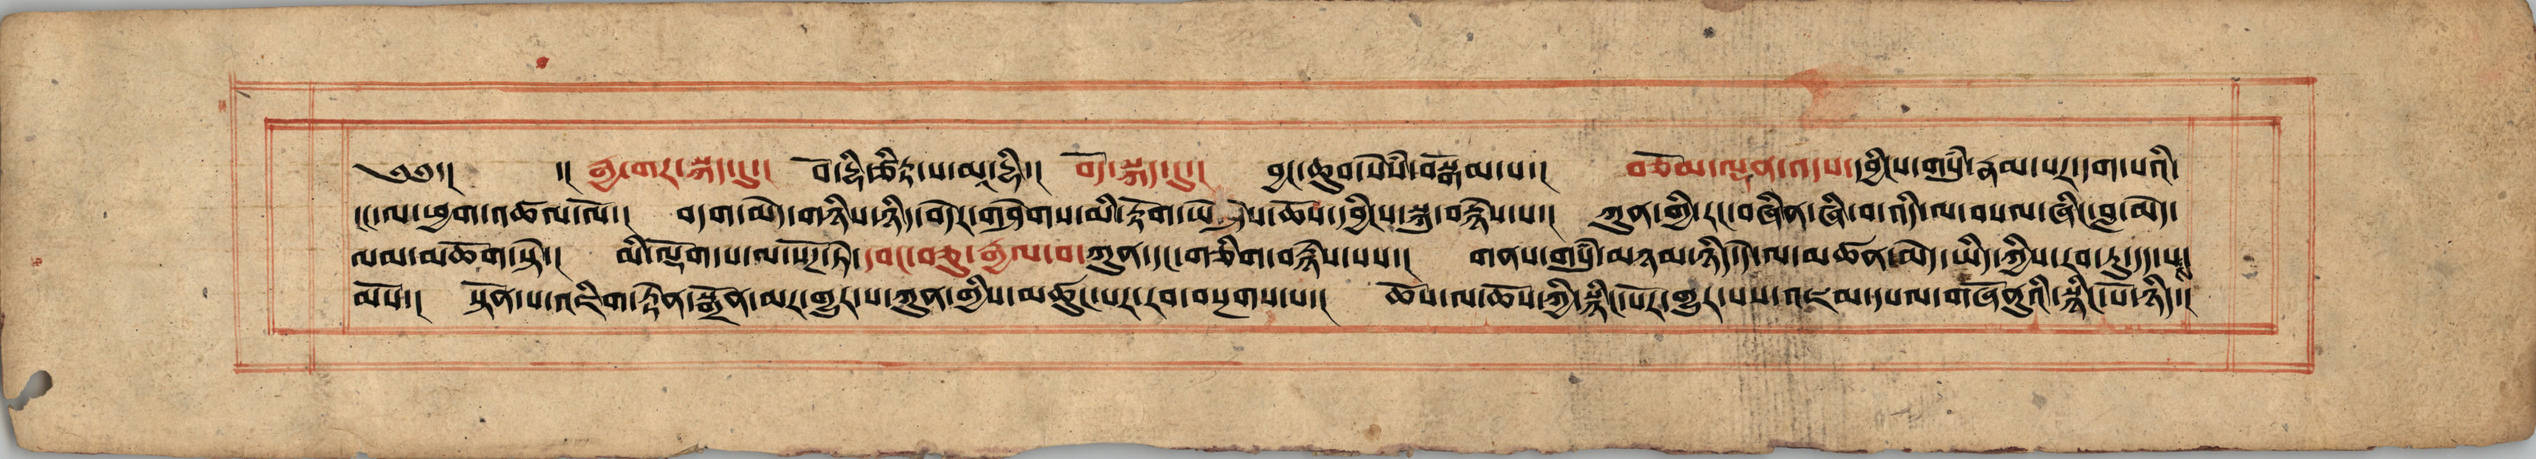༄༅་། ་། རྒྱ་གར་སྐད་དུ། བོ་དྷི་ཙིཏྟ་ས་མཱདྷི་། བོད་སྐད་དུ་། བྱང་ཆུབ་སེཾས་བསྒོམ་པ་། བཅོམ་ལྡན་འདས་དབྱིངས་གསུཾ་རྣམ་པར་དག་པའི་
ངང་ལ་ཕྱག་འཚལ་ལོ་། བདག་མེད་གཉིས་ཉིད་བདེར་གཤེགས་མི་རྟོག་ཡེ་ཤེས་ཆོས་དབྱིངས་སྐུ་བརྙེས་པ་། ཀུན་གྱི་རང་བཞིན་ཞི་བ་འདི་ལ་བསལ་ཞིང་བླ་མེད་
ལམ་མཆོགསྟེ་། མི་ལྡོག་པ་ལ་སོཌ་ཏེ་དབང་བཅུ་རྒྱལ་བ་ཀུན་དང་གཅིག་བརྙེས་པས་། གནས་གསུཾ་མཉམ་ཉིད་དེ་ལ་མཚན་མེད་ཡིད་ཀྱིས་རབ་ཏུ་དད་པས་
མོས་། སྟོན་པ་འཇིག་རྟེན་སྒྲོན་མར་གྱུར་པ་ཀུན་གྱིས་མཚུངས་པར་རབ་བསྔགས་པ་། ཆོས་ལ་ཆོས་ཀྱི་སྙིང་པོར་གྱུར་པས་འཇམ་དཔལ་གཞོནུའི་སྙིང་པོ་ཉིད་།